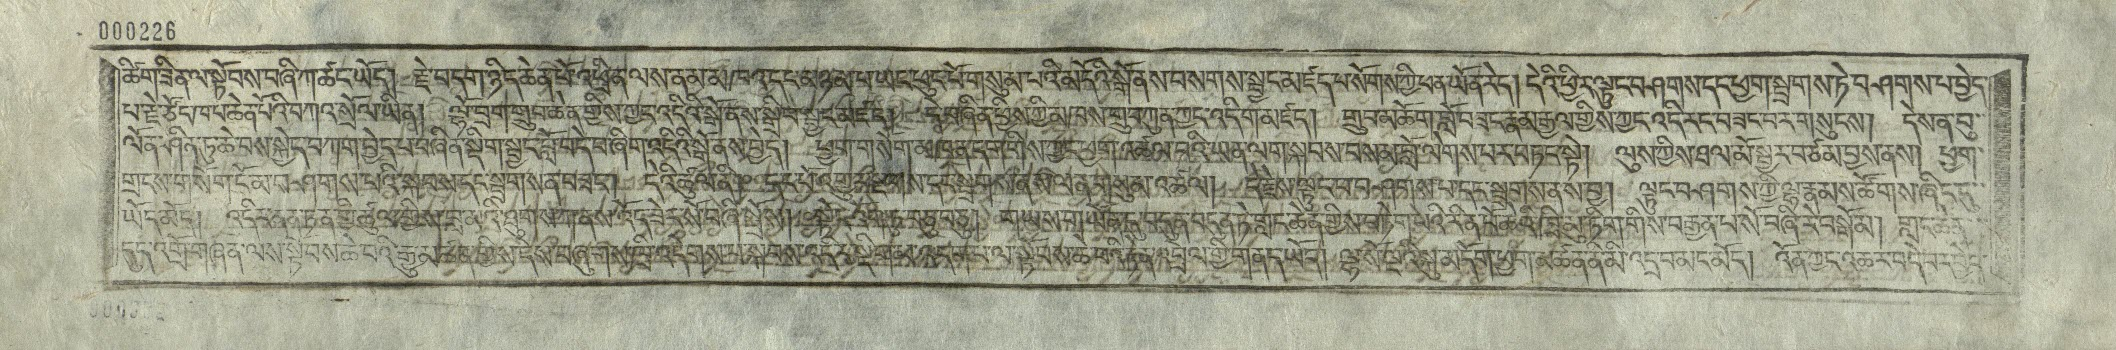ཚིག་ཟིན་ལ་སྟོབས་བཞི་ཀ་ཚང་ཡོད། རྗེ་བདག་ཉིད་ཆེན་པོ་འཕྲིན་ལས་ནམ་མཁའ་དང་མཉམ་པ་ཡང་ཕུང་པོ་གསུམ་པའི་མདོའི་སྒོ་ནས་བསགས་སྦྱང་མཛད་པ་སོགས་ཀྱི་ཕན་ཡོན་རེད། དེའི་ཕྱིར་ལྟུང་བཤགས་དང་ཕྱག་སྦྲགས་ཏེ་བཤགས་པ་བྱེད་
པ་རྗེ་ཙོང་ཁ་པ་ཆེན་པོའི་བཀའ་སྲོལ་ཡིན། ལྷོ་བྲག་གྲུབ་ཆེན་གྱིས་ཀྱང་འདིའི་སྒོ་ནས་སྒྲིབ་སྦྱང་མཛད། དེ་བཞིན་ཕྱིས་ཀྱི་མཁས་གྲུབ་ཀུན་ཀྱང་འདི་ག་མཛད། གྲུབ་མཆོག་བློ་བཟང་རྣམ་རྒྱལ་གྱིས་ཀྱང་འདི་རང་བཟང་བར་གསུངས། དེས་ན་བུ་
ལོན་ཤིན་ཏུ་ཆེ་བས་སྐྱེད་བཀག་བྱེད་པ་བཞིན་སྡིག་སྦྱང་བློ་བདེ་བ་ཞིག་འདིའི་སྒོ་ནས་བྱེད། ཕྱག་གསོག་མཁན་དག་གིས་ཀྱང་ཕྱག་འཚལ་བའི་ཡན་ལག་སྐབས་བསམ་བློ་ལེགས་པར་བཏང་སྟེ། ལུས་ཀྱིས་ཐལ་མོ་སྦྱར་བ་ཙམ་བྱས་ནས། ཕྱག་
གྲངས་གསོག་ངོ་མ་བཤགས་པའི་སྐབས་དང་སྦྲགས་ན་བཟང་། དེའི་ཚུལ་ནི། དང་པོ་འགྱུར་སྔགས་དང་སྦྲགས་ནས་ལན་གསུམ་འཚལ། དེ་རྗེས་ལྟུང་བཤགས་པ་དང་སྦྲགས་ནས་བྱ། ལྟུང་བཤགས་ཀྱི་ལྷ་རྣམས་ཚོགས་ཞིང་དུ་
ཡོད་མོད། འདིར་ནན་ཏན་གྱི་ཚུལ་གྱིས་བླ་མའི་ཐུགས་ཀ་ནས་འོད་ཟེར་སོ་བཞི་སྤྲོས། སྟེང་འོག་ཏུ་བཅུ་བཅུ། གཡས་གཡོན་དུ་བདུན་བདུན་ཏེ་གླང་ཆེན་གྱིས་བཏེག་པའི་རིན་པོ་ཆེའི་ཁྲི་མུ་ཏིག་གིས་བརྒྱན་པ་སོ་བཞི་རེ་བསྒོམ། གླང་ཆེན་
དུད་འགྲོ་གཞན་ལས་སྟོབས་ཆེ་བའི་རྒྱུ་མཚན་གྱིས་དེས་བཞུགས་ཁྲི་འདེགས་པ་སྐབས་འདིར་སྡིག་པ་འདག་པ་ལ་སྟོབས་ཆེ་བའི་རྟེན་འབྲེལ་གྱི་གནད་ཡོད། ལྷ་སོ་ལྔའི་སྐུ་མདོག་ཕྱག་མཚན་ནི་མི་འདྲ་བ་མང་མོད། འོན་ཀྱང་འཆར་བདེ་བར་བྱེད་